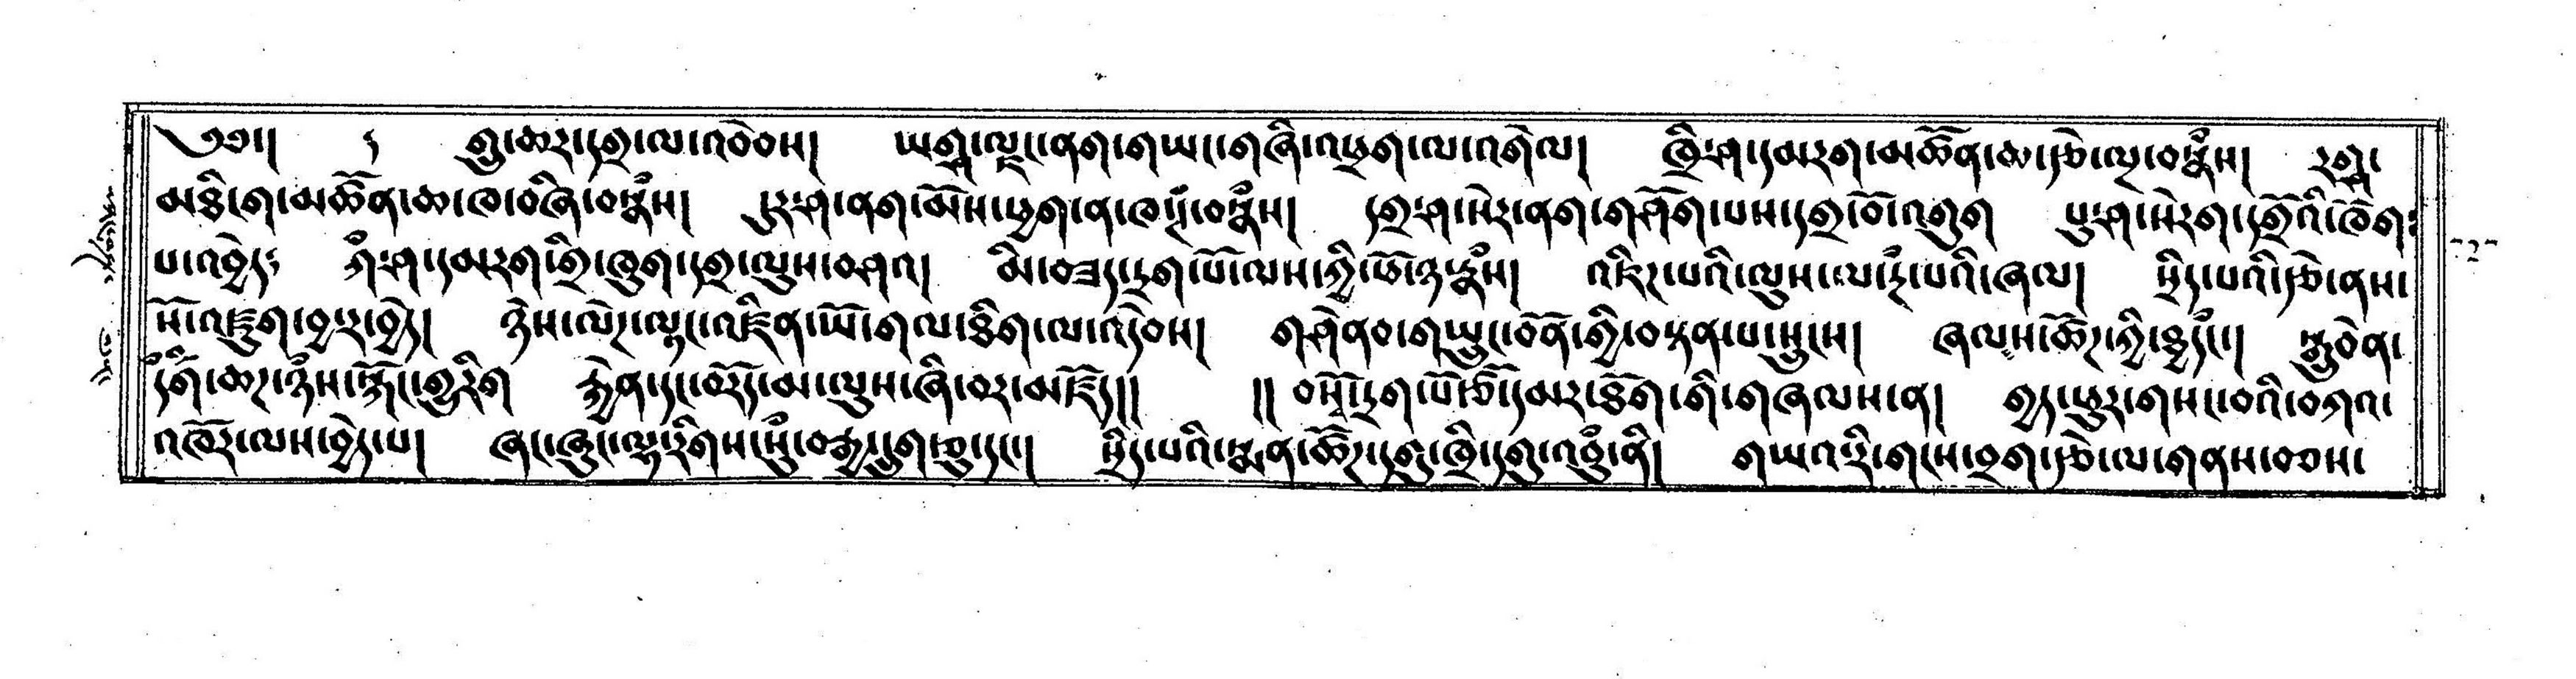གྲུ་ཆར་དགྲ་ལ་འབེབས། ཡགྴ་ལྗང་ནག་གཡང་གཞི་འཕྲག་ལ་འགེལ། ཁྲི་ཤ་དམར་ནག་མཚོན་ཆ་རྩེ་ལྔ་བསྣམས། རགྴ་
མཐིང་ནག་མཚོན་ཆ་ཁ་བཞི་བསྣམས། དུར་ཤ་ནག་མོས་ཕྱག་ན་ཁ་ཊཾ་བསྣམས། དགྲ་ཤ་སེར་ནག་གཤོག་པས་དགྲ་བོ་འགུག པུ་ཤ་སེར་ནག་དགྲ་བོའི་ཁོག་
པ་འབྱེད༴ ཀཾ་ཤ་དམར་ནག་གྲི་ཁུག་དགྲ་ལུས་བཤའ། མི་བཟད་དྲག་པོ་ལས་ཀྱི་ཕོ་ཉ་རྣམས། འཇིགས་པའི་ལུས་ལ་རྔམ་པའི་ཞལ། སྲིད་པའི་རྩེ་ནས་
སོ་འཛུག་བྱ་ར་བྱེད། ཉེས་ལེགས་ལྟང་འཛིན་ཡོ་གལ་ཐིག་ལ་འདེབས། གཤེན་རབ་གཡུང་དྲུང་བོན་གྱི་བསྟན་པ་སྲུངས། ཞལ་ཟས་ཚོགས་ཀྱི་ཐུགས་དམ་བསྐང་། སྒྲུབ་གཤེན་
དམ་ཚིག་ཆགས་ཉམས་སྐོང་གྱུར་ཅིག རྐྱེན་དང་བར་ཆོད་མ་ལུས་ཞི་བར་མཛོད།། །།བསྭོ་དྲག་པོ་ཙོ་དམར་ཐོག་གི་གཞལ་ཡས་ན། གྱད་ཕུར་གསང་བའི་བཀའ་
འཁོར་ལས་བྱེད་པ། ཞང་ཞུང་ལྷ་རིགས་སུམ་བརྒྱ་དྲུག་ཅུ་དང་། སྲིད་པའི་སྨན་ཚོགས་དགུ་ཁྲི་དགུ་འབུམ་ནི། གཡའ་རི་གངས་བྲག་རྩེ་ལ་གནས་བཅས་